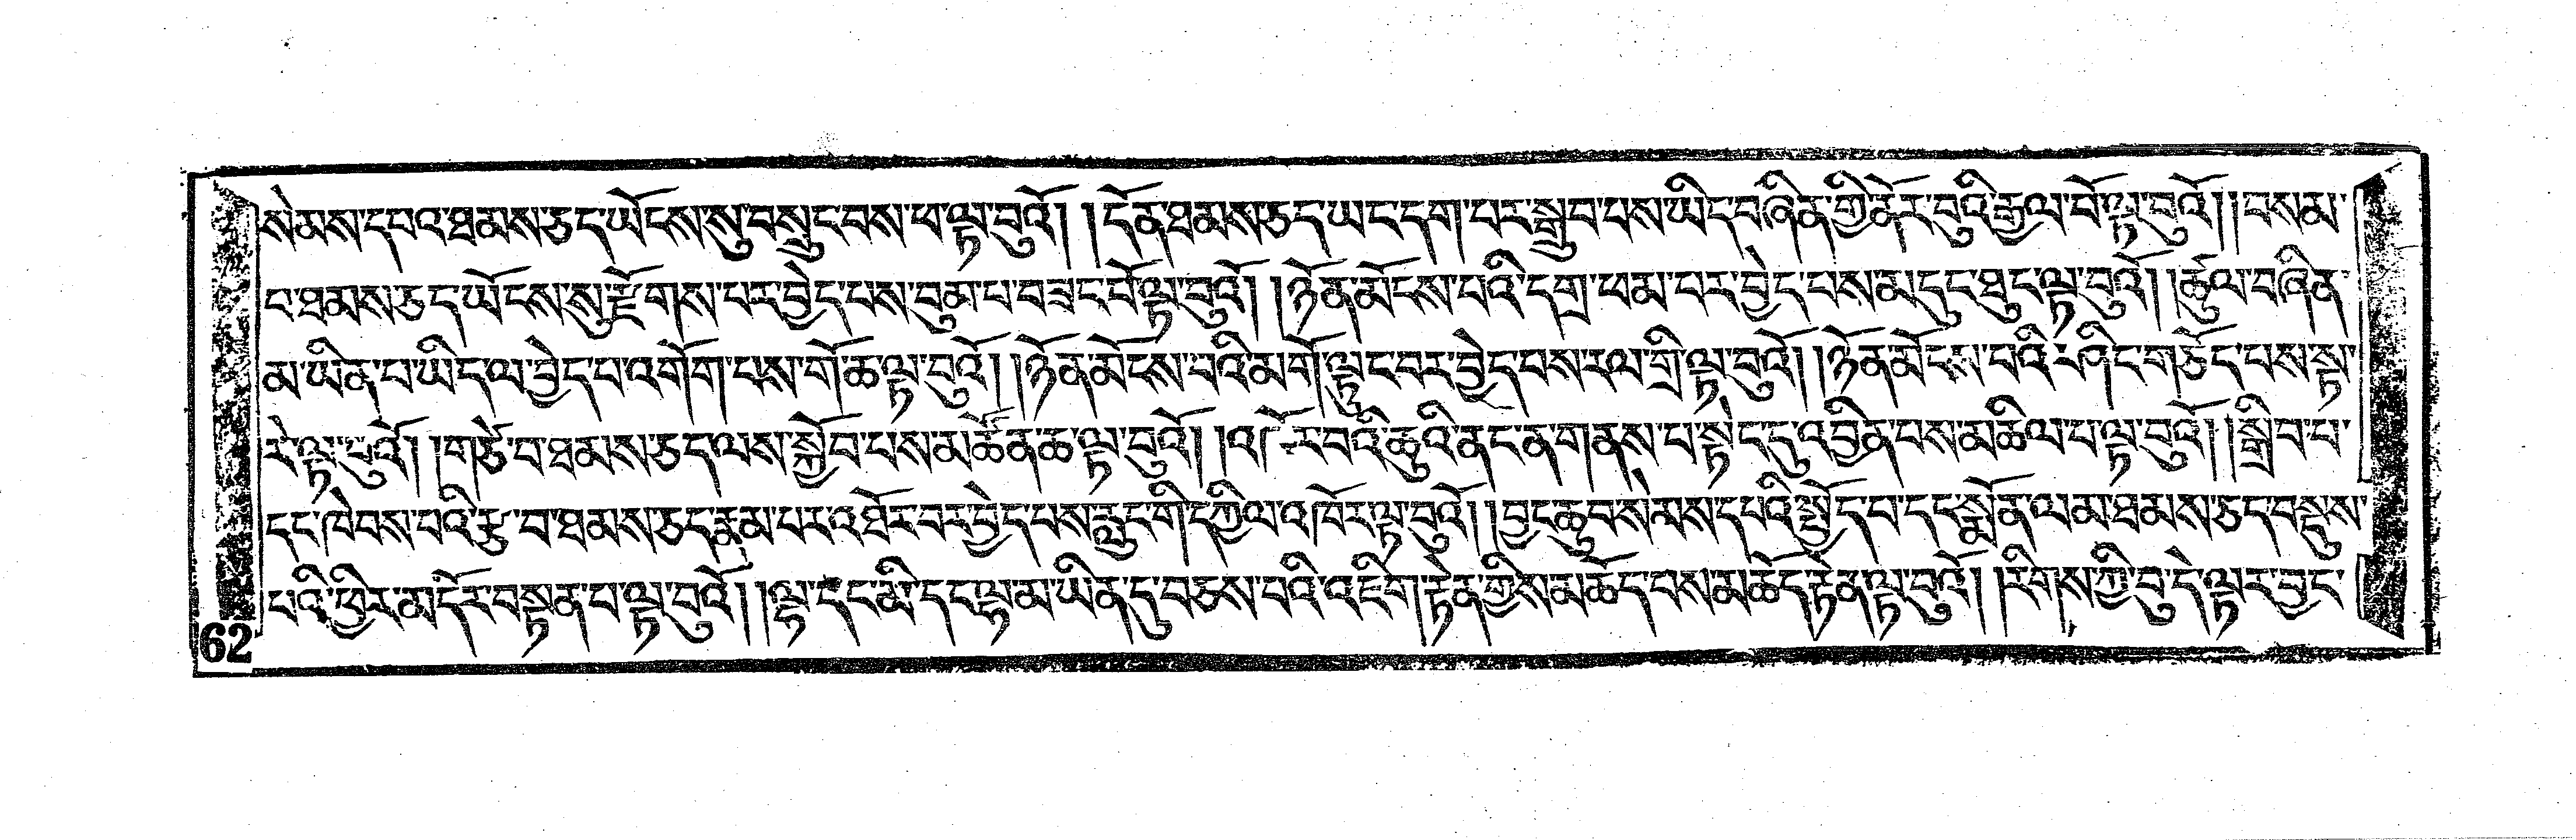སེམས་དཔའ་ཐམས་ཅད་ཡོངས་སུ་བསྲུང་བས་ཕ་ལྟ་བུའོ། །དོན་ཐམས་ཅད་ཡང་དག་པར་སྒྲུབ་པས་ཡིད་བཞིན་གྱི་ནོར་བུའི་རྒྱལ་པོ་ལྟ་བུའོ། །བསམ་
པ་ཐམས་ཅད་ཡོངས་སུ་རྫོགས་པར་བྱེད་པས་བུམ་པ་བཟང་པོ་ལྟ་བུའོ། །ཉོན་མོངས་པའི་དགྲ་ཕམ་པར་བྱེད་པས་མདུང་ཐུང་ལྟ་བུའོ། །ཚུལ་བཞིན་
མ་ཡིན་པ་ཡིད་ལ་བྱེད་པ་འགོག་པས་གོ་ཆ་ལྟ་བུའོ། །ཉོན་མོངས་པའི་མགོ་ལྟུང་བར་བྱེད་པས་རལ་གྲི་ལྟ་བུའོ། །ཉོན་མོངས་པའི་ཤིང་གཅོད་པས་སྟ་
རེ་ལྟ་བུའོ། །གཙེ་བ་ཐམས་ཅད་ལས་སྐྱོབ་པས་མཚོན་ཆ་ལྟ་བུའོ། །འཁོར་བའི་ཆུའི་ནང་ན་གནས་པ་སྟེང་དུ་འབྱིན་པས་མཆིལ་པ་ལྟ་བུའོ། །སྒྲིབ་པ་
དང་ཁེབས་པའི་རྩ་བ་ཐམས་ཅད་རྣམ་པར་འཐོར་བར་བྱེད་པས་རླུང་གི་དཀྱིལ་འཁོར་ལྟ་བུའོ། །བྱང་ཆུབ་སེམས་དཔའི་སྤྱོད་པ་དང་སྨོན་ལམ་ཐམས་ཅད་བསྡུས་
པའི་ཕྱིར་མདོར་བསྟན་པ་ལྟ་བུའོ། །ལྷ་དང་མི་དང་ལྷ་མ་ཡིན་དུ་བཅས་པའི་འཇིག་རྟེན་གྱིས་མཆོད་པས་མཆོད་རྟེན་ལྟ་བུའོ། །རིགས་ཀྱི་བུ་དེ་ལྟར་བྱང་